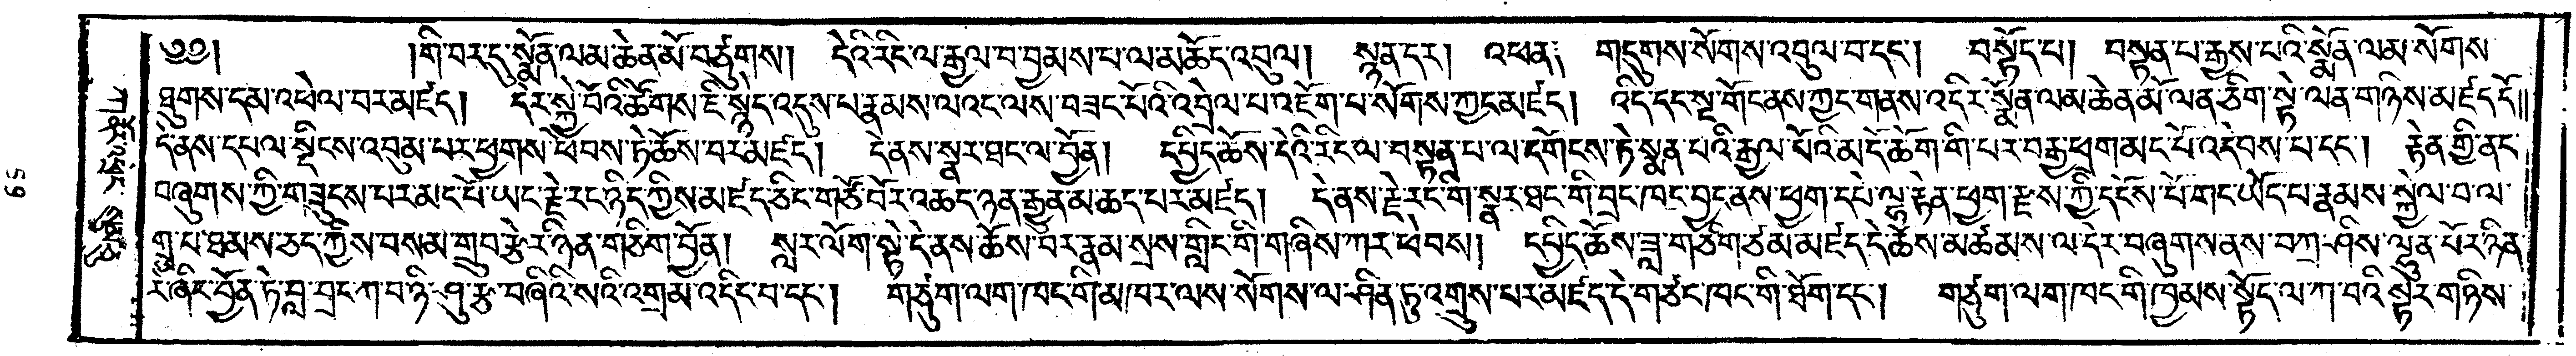༄༅། །གི་བར་དུ་སྨོན་ལམ་ཆེན་མོ་བཙུགས། དེའི་རིང་ལ་རྒྱལ་བ་བྱམས་པ་ལ་མཆོད་འབུལ། སྙན་དར། འཕན༑ གདུགས་སོགས་འབུལ་བ་དང་། བསྟོད་པ། བསྟན་པ་རྒྱས་པའི་སྨོན་ལམ་སོགས་
ཐུགས་དམ་འཕེལ་བར་མཛད། དེར་སྐྱེ་བོའི་ཚོགས་ཇི་སྙེད་འདུས་པ་རྣམས་ལའང་ལས་བཟང་པོའི་འབྲེལ་པ་འཇོག་པ་སོགས་ཀྱང་མཛད། འདི་དང་སྔ་གོང་ནས་ཀྱང་གནས་འདིར་སྨོན་ལམ་ཆེན་མོ་ལན་ཅིག་སྟེ་ལན་གཉིས་མཛད་དོ། །
དེ་ནས་དཔལ་སྡིངས་འབུམ་པར་ཕྱགས་ཕེབས་ཏེ་ཆོས་བར་མཛད། དེ་ནས་སྣར་ཐང་ལ་བྱོན། དཔྱིད་ཆོས་དེའི་རིང་ལ་བསྟན་པ་ལ་དགོངས་ཏེ་སྨན་པའི་རྒྱལ་པོའི་མདོ་ཆོག་གི་པར་བརྒྱ་ཕྲག་མང་པོ་འདེབས་པ་དང་། རྟེན་གྱི་ནང་
བཞུགས་ཀྱི་གཟུངས་པར་མང་པོ་ཡང་རྗེ་རང་ཉིད་ཀྱིས་མཛད་ཅིང་གཙོ་བོར་འཆད་ཉན་རྒྱུན་མ་ཆད་པར་མཛད། དེ་ནས་རྗེ་རང་གི་སྣར་ཐང་གི་བྲང་ཁང་བྱང་ནས་ཕྱག་དཔེ་ལྷ་རྟེན་ཕྱག་རྫས་ཀྱི་དངོས་པོ་གང་ཡོད་པ་རྣམས་སྐྱེལ་བ་ལ་
གྲྭ་པ་ཐམས་ཅད་ཀྱིས་བསམ་གྲུབ་རྩེར་ཉིན་གཅིག་བྱོན། སླར་ལོག་སྟེ་དེ་ནས་ཆོས་བར་རྣམ་སྲས་གླིང་གི་གཞིས་ཀར་ཕེབས། དཔྱིད་ཆོས་ཟླ་གཅིག་ཙམ་མཛད་དེ་ཆོས་མཚམས་ལ་དེར་བཞུགས་ནས་བཀྲ་ཤི་ལྷུན་པོར་ཉིན་
རེ་ཞིང་བྱོན་ཏེ་བླ་བྲང་ཀ་བ་ཉི་ཤུ་རྩ་བཞིའི་སའི་འགྲམ་འདིང་བ་དང་། གཙུག་ལག་ཁང་གི་མཁར་ལས་སོགས་ལ་ཤིན་ཏུ་འགྲུས་པར་མཛད་དེ་གཙང་ཁང་གི་ཐོག་དང་། གཙུག་ལག་ཁང་གི་ཁྱམས་སྟོད་ལ་ཀ་བའི་སྟར་གཉིས་